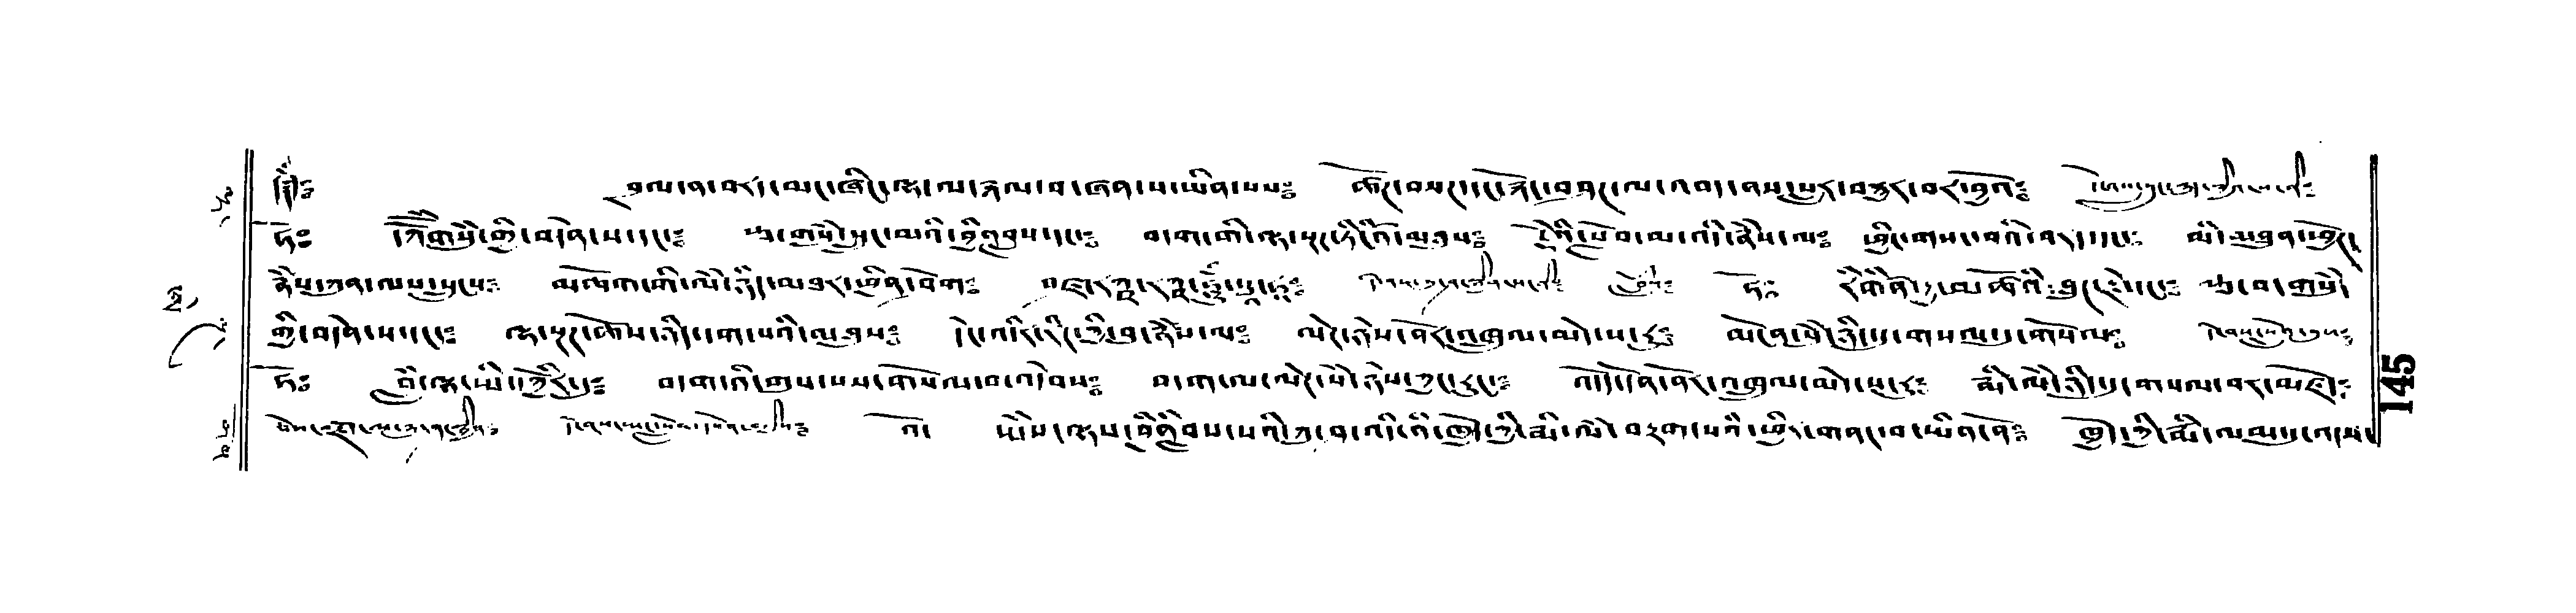བྲལ་ན་བར་ཆད་མང་ཞིང་ལྷ་ལ་སྐལ་བ་ཞན་པ་ཡིན་པས༔ ཚོགས་བསགས་དང་སྐོང་བཤགས་ལ་འབད་ནས་སླར་བསྐྱར་བར་བྱའོ༔ དེ་ནས་སྲུང་སྐུད་སྦྱིན་པ་ནི༔ 
ཧོཿ དཀོན་མཆོག་གསུམ་གྱི་བདེན་པ་དང༔ རྩ་གསུམ་སྲུང་མའི་བྱིན་རླབས་དང༔ བདག་གི་ལྷ་སྔགས་ཏིང་འཛིན་མཐུས༔ རྡོ་རྗེའི་སློབ་མ་འདི་རྣམས་ལ༔ ཕྱི་ནང་གསང་བའི་བར་ཆད་དང༔ མི་མཐུན་ཕྱོགས་
རྣམས་ཀུན་ལས་སྲུངས༔ མཆོག་གི་ལམ་ཉིད་མཐར་ཕྱིན་ཤོག༔ བཛྲ་རཀྵ་རཀྵ་ཧཱུྃ་སྭཱ་ཧཱ༔ དེ་ནས་ཀུ་ཤ་སྦྱིན་པ་ནི༔ བླ་མས༔ ཧོཿ རིག་འཛིན་རྒྱ་མཚོའི་ཐུགས་རྗེ་དང༔ རྩ་བ་གསུམ་
གྱི་བདེན་པ་དང༔ ལྷ་སྔགས་ཆོས་ཉིད་དག་པའི་མཐུས༔ དེང་འདིར་རིགས་ཀྱི་བུ་རྣམས་ལ༔ ལེགས་ཉེས་ནོར་འཁྲུལ་མེད་པ་རུ༔ མངོན་སུམ་ཉིད་དུ་གསལ་དུ་གསོལ༔ དེ་ནས་སློབ་བུས༔ 
ཧོཿ བླ་མ་ལྷ་ཡི་དཀྱིལ་འཁོར་དུ༔ བདག་ནི་གུས་པས་གསོལ་བ་འདེབས༔ བདག་ལ་ལེགས་སམ་ཉེས་ཀྱང་རུང༔ འདོད་དོན་ནོར་འཁྲུལ་མེད་པ་རུ༔ རྨི་ལམ་ཉིད་དུ་གསལ་པར་མཛོད༔ 
ཅེས་བརྗོད་ལ་ཀུ་ཤ་སྦྱིན༔དེ་ནས་ཡང་སློབ་དཔོན་གྱིས༔ འོ༔ ཡེ་ཤེས་ལྷས་བྱིན་གྱིས་བརླབས་པའི་ཀུ་ཤ་འདི་ནི་ཁྱོད་ཀྱི་རྨི་ལམ་བརྟག་པའི་ཕྱིར་གནང་བ་ཡིན་ནོ༔ ཁྱོད་ཀྱི་རྨི་ལམ་དུ་འདས་